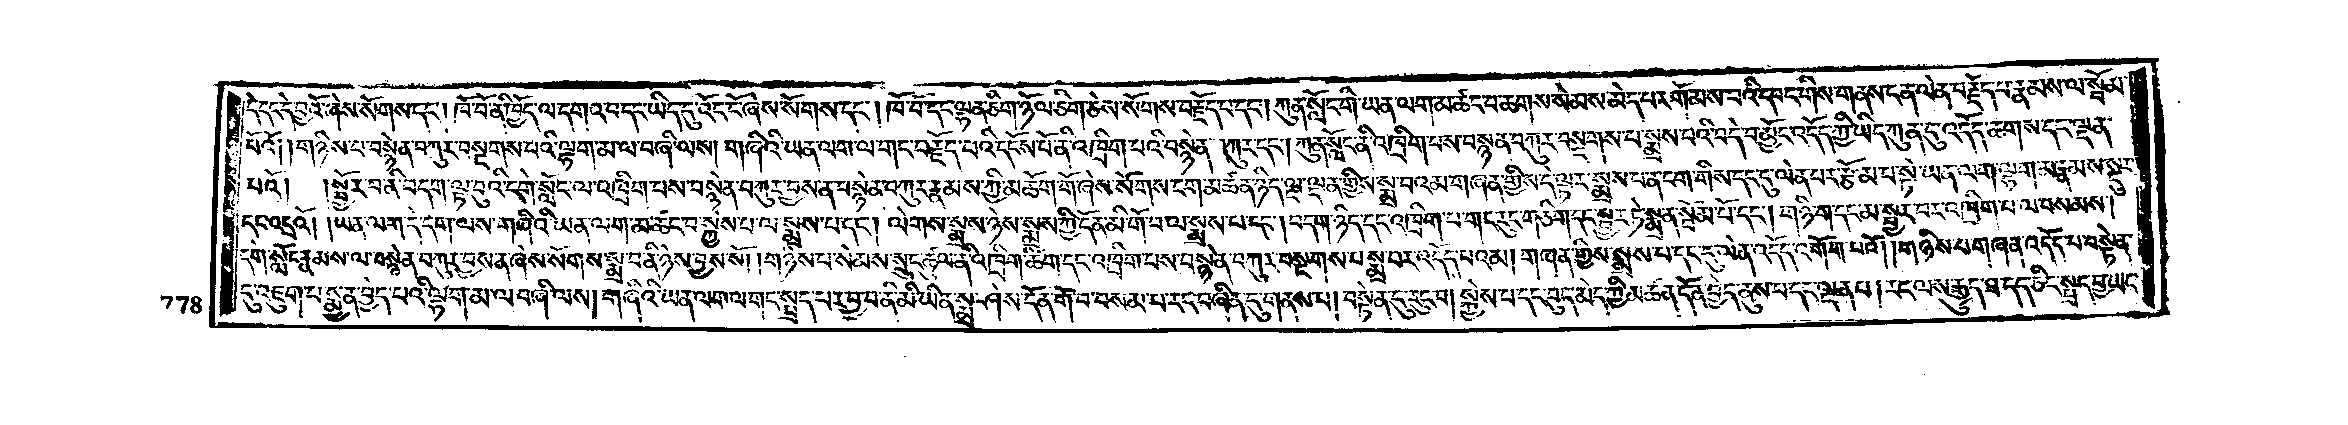དེ་དང་དེ་བྱའོ་ཞེས་སོགས་དང་། ཁོ་བོ་ནི་ཁྱོད་ལ་དགའ་བ་དང་ཡིད་དུ་འོང་ངོ་ཞེས་སོགས་དང་། ཁོ་བོ་དང་ལྷན་ཅིག་ཉོལ་ཅིག་ཅེས་སོགས་བརྗོད་པ་དང་། ཀུན་སློང་གི་ཡན་ལག་མ་ཚང་བ་ཆགས་སེམས་མེད་པར་གོམས་པའི་དབང་གིས་གནས་ངན་ལེན་བརྗོད་པ་རྣམས་ལ་སྦོམ་
པོའོ། །གཉིས་པ་བསྙེན་བཀུར་བསྔགས་པའི་ལྷག་མ་ལ་བཞི་ལས། གཞིའི་ཡན་ལག་ལ་གང་བརྗོད་པའི་དངོས་པོ་ནི་འཁྲིག་པའི་བསྙེན་བཀུར་དང་། ཀུན་སློང་ནི་འཁྲིག་པས་བསྙེན་བཀུར་བསྡགས་པ་སྨྲས་པའི་བདེ་བ་མྱོང་འདོད་ཀྱི་ཡིད་ཀུན་དུ་འདོད་ཆགས་དང་ལྡན་
པའོ། །སྦྱོར་བ་ནི་བདག་ལྟ་བུའི་དགེ་སློང་ལ་འཁྲིག་པས་བསྙེན་བཀུར་བྱས་ན་བསྙེན་བཀུར་རྣམས་ཀྱི་མཆོག་གོ་ཞེས་སོགས་ངག་མཚན་ཉིད་ལྔ་ལྡན་གྱིས་སྨྲ་བའམ་གཞན་གྱིས་དེ་ལྟར་སྨྲས་པ་ན་ངག་གིས་དང་དུ་ལེན་པར་རྩོམ་པ་སྟེ་ཡན་ལག་ལྷག་མ་རྣམས་སྡུར་
དང་འདྲའོ། །ཡན་ལག་དེ་དག་ལས་གཞིའི་ཡན་ལག་མ་ཚང་བ་སྐྱེས་པ་ལ་སྨྲས་པ་དང་། ལེགས་སྨྲས་ཉེས་སྨྲས་ཀྱི་དོན་མི་གོ་བ་ལ་སྨྲས་པ་དང་། བདག་ཉིད་དང་འཁྲིག་པ་གང་རུང་གཅིག་དང་སྦྱར་ཏེ་སྨྲ་ན་སྦོམ་པོ་དང་། གཉི་ག་དང་མ་སྦྱར་བར་འཁྲིག་པ་ལ་བསམས།
དགེ་སློང་རྣམས་ལ་བསྙེན་བཀུར་བྱས་ན་ཞེས་སོགས་སྨྲ་བ་ནི་ཉེས་བྱས་སོ། །གཉིས་པ་སེམས་སྲུང་ཚུལ་ནི་འཁྲིག་ཚིག་དང་འཁྲིག་པས་བསྙེན་བཀུར་བསྔགས་པ་སྨྲ་བར་འདོད་པའམ། གཞན་གྱིས་སྨྲས་པ་དང་དུ་ལེན་འདོད་འགོག་པའོ། །གཉིས་པ་གཞན་འདོད་པ་བསྟེན་
དུ་འཇུག་པ་སྨྱན་བྱེད་པའི་ལྷག་མ་ལ་བཞི་ལས། གཞིའི་ཡན་ལག་ལ་གང་སྤྲད་པར་བྱ་བ་ནི་མི་ཡིན་སྨྲ་ཤེས་དོན་གོ་བ་བསམ་པ་རང་བཞིན་དུ་གནས་པ། བསྟེན་དུ་རུང་བ། སྐྱེས་པ་དང་བུད་མེད་ཀྱི་མཚན་དོན་བྱེད་ནུས་པ་དང་ལྡན་པ། རང་ལས་རྒྱུད་ཐ་དད་ཅིང་སྤྲད་བྱ་ཡང་